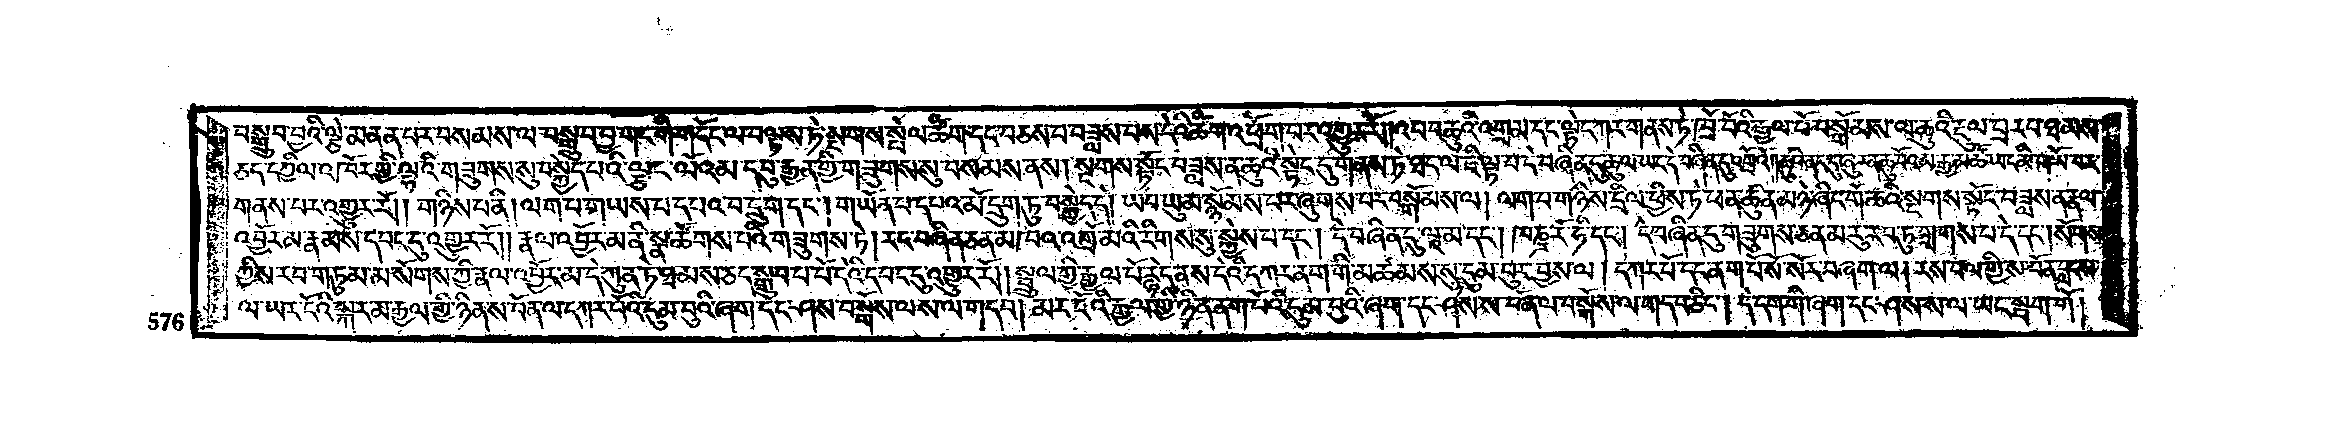བསྒྲུབ་བྱའི་ལྕེ་མནན་པར་བསམས་ལ་བསྒྲུབ་བྱ་གང་གི་གདོང་ལ་བལྟས་ཏེ་སྔགས་སྤེལ་ཚིག་དང་བཅས་པ་བཟླས་པས་དེའི་ཚིག་འཕྲོག་པར་འགྱུར་རོ། །འབབ་ཆུའི་འགྲམ་དང་ལྟེང་ཀར་གནས་ཏེ་ཁྲོ་བོའི་རྒྱལ་པོ་བསྒོམས་ལ་ཆུའི་རྡུལ་ཕྲ་རབ་ཐམས་
ཅད་དཀྱིལ་འཁོར་གྱི་ལྷའི་གཟུགས་སུ་བསྐྱེད་པའི་ལྕང་ལོའམ་དབུ་རྒྱན་གྱི་གཟུགས་སུ་བསམས་ནས། སྔགས་སྟོང་བཟླས་ན་ཆུའི་སྟེང་དུ་གནས་ཏེ་ཐང་ལ་ཇི་ལྟ་བ་དེ་བཞིན་དུ་ཆུ་ལ་ཡང་དེ་བཞིན་དུ་འགྲོའོ། །ཆུའི་ནང་དུ་ཞུགས་ན་ཆུ་བོའམ་རྒྱ་མཚོ་ཡང་མི་གཡོ་བར་
གནས་པར་འགྱུར་རོ། །གཉིས་པ་ནི། ལག་པ་གཡས་པ་དཔའ་བ་དྲུག་དང་། གཡོན་པ་དཔའ་མོ་དྲུག་ཏུ་བསྐྱེད་དེ། ཡབ་ཡུམ་སྙོམས་པར་ཞུགས་པར་བསྒོམས་ལ། ལག་པ་གཉིས་དྲིལ་ཕྱིས་ཏེ་ཕན་ཚུན་མཉེ་ཞིང་གོ་ཆའི་སྔགས་སྟོང་བཟླས་ན་རྣལ་
འབྱོར་མ་རྣམས་དབང་དུ་འགྱུར་རོ། །རྣལ་འབྱོར་མ་ནི་སྣ་ཚོགས་པའི་གཟུགས་ཏེ། རང་བཞིན་ཅན་མཁའ་འགྲོ་མའི་རིགས་སུ་སྐྱེས་པ་དང་། དེ་བཞིན་དུ་ལཱ་མ་དང་། བཎྜ་རོ་ཧི་དང་། དེ་བཞིན་དུ་གཟུགས་ཅན་མ་རུ་རབ་ཏུ་གྲགས་པ་དེ་དང་། སོགས་
ཀྱིས་རབ་གཏུམ་མ་སོགས་ཀྱི་རྣལ་འབྱོར་མ་དེ་ཀུན་ཏེ་ཐམས་ཅད་སྒྲུབ་པ་པོ་དེའི་དབང་དུ་འགྱུར་རོ། །སྤྲུལ་གྱི་རྒྱལ་པོ་རྙེད་ནས་དེའི་དཀར་ནག་གི་མཚམས་སུ་དུམ་བུར་བྱས་ལ། དཀར་པོ་དང་ནག་པོ་སོ་སོར་བཞག་ལ། རས་བལ་གྱི་ས་བོན་བླངས་
ལ་ཡར་ངོའི་སྐར་མ་རྒྱལ་གྱི་ཉིན་ས་བོན་ལ་དཀར་པོའི་དུམ་བུའི་ཞག་དང་ཤས་བསྒོས་ལས་ལ་གདབ། མར་ངོའི་རྒྱལ་གྱི་ཉིན་ནག་པོའི་དུམ་བུའི་ཞག་དང་ཤེས་ས་བོན་ལ་བསྒོས་ལ་གདབ་ཅིང་། དེ་དག་གི་ཞག་དང་ཤས་ས་ལ་ཡང་སྦག་གོ །